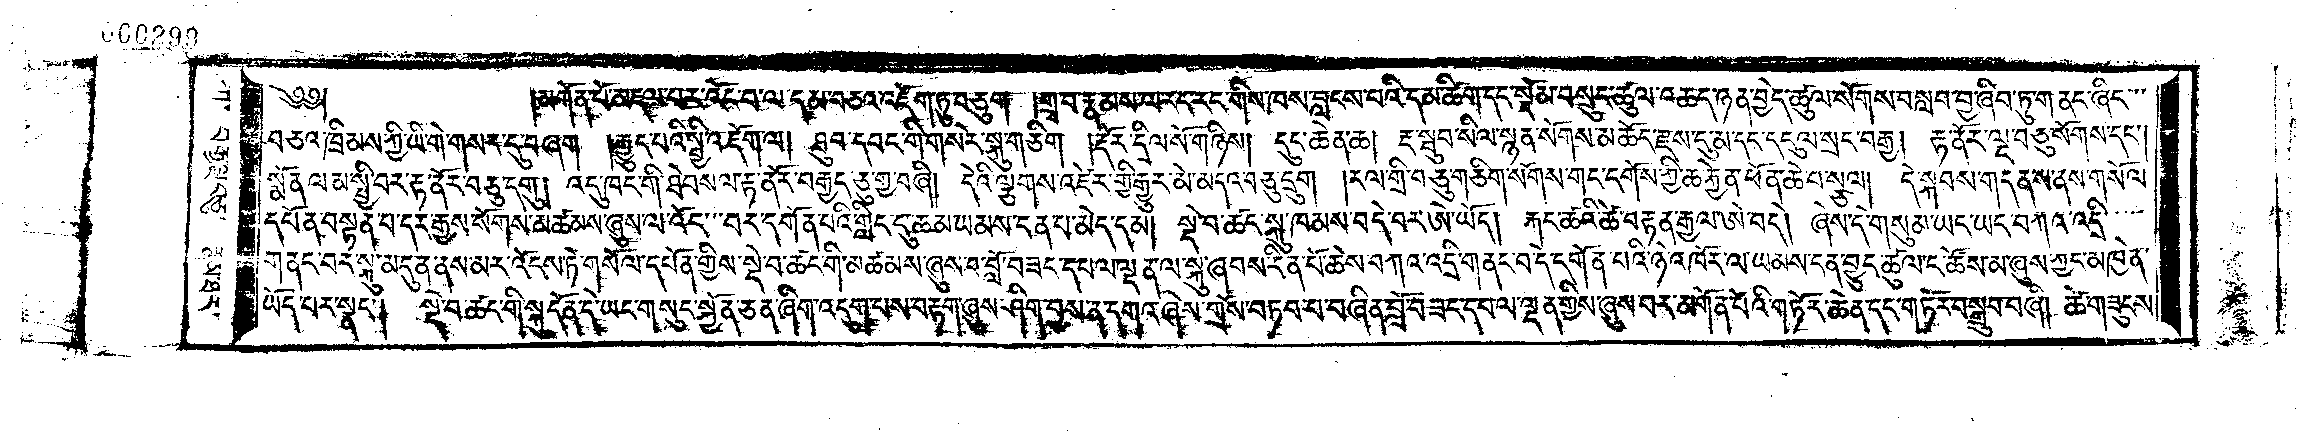༄༅། །མགོན་པོ་མཇལ་བར་འོང་བ་ལ་དམ་བཅའ་འཇོག་ཏུ་བཅུག །གྲྭ་བ་རྣམས་ལ་རང་རང་གིས་ཁས་བླངས་པའི་དམ་ཚིག་དང་སྡོམ་བ་སྲུང་ཚུལ་འཆད་ཉན་བྱེད་ཚུལ་སོགས་བསླབ་བྱ་ཞིབ་ཏུ་གནང་ཞིང་
བཅའ་ཁྲིམས་ཀྱི་ཡི་གེ་གསར་དུ་བཞག །རྒྱུད་པའི་སྤྱི་འཇོག་ལ། ཐུབ་དབང་གི་གསེར་སྐུ་གཅིག །རྡོར་དྲིལ་སོ་གཉིས། དུང་ཆེན་ཆ། རྡ་སྤུབ་སིལ་སྙན་སོགས་མཆོད་རྫས་དུ་མ་དང་དངུལ་སྲང་བརྒྱ། རྟ་ནོར་ལྔ་བཅུ་སོགས་དང་།
སྨོན་ལམ་སྤྱི་བར་རྟ་ནོར་བཅུ་དགུ༑ འདུ་ཁང་གི་ཐེབས་ལ་རྟ་ནོར་བརྒྱད་ཅུ་གྱ་བཞི། དེའི་ལྕགས་འཛེར་གྱི་རྒྱུར་མེ་མདའ་བཅུ་དྲུག །རལ་གྲི་བཅུ་གཅིག་སོགས་གང་དགོས་ཀྱི་ཆ་རྐྱེན་ཕོན་ཆེ་བ་སྩལ། དེ་སྐབས་གདན་ས་ནས་གསོལ་
དཔོན་བསྟན་པ་དར་རྒྱས་སོགས་མཚམས་ཞུས་ལ་འོང་པར་དགོན་པའི་གླིང་དུ་ཆམ་ཡམས་ངན་པ་མེད་དམ། སྡེ་བ་ཚང་སྐུ་ཁམས་བདེ་བར་ཨེ་ཡོད། རྐང་ཚའི་ཚེ་བརྟན་རྒྱལ་ཨེ་བདེ། ཞེས་དེ་གསུམ་ཡང་ཡང་བཀའ་འདྲི་
གནང་བར་སྐུ་མདུན་ནས་མར་འོངས་ཏེ་གསོལ་དཔོན་གྱིས་སྡེ་བ་ཚང་གི་མཚམས་ཞུས་པ་བློ་བཟང་དཔལ་ལྡན་ལ་སྐུ་ཞབས་རིན་པོ་ཆེས་བཀའ་འདྲི་གནང་བ་དེ་དགོན་པའི་ཉེ་འཁོར་ལ་ཡམས་ངན་བྱུང་ཚུལ་ང་ཆོས་མ་ཞུས་ཀྱང་མཁྱེན་
ཡོད་པར་སྣང་། སྡེ་བ་ཚང་གི་སྐུ་དོན་དེ་ཡང་གསུང་སྐྱོན་ཅན་ཞིག་འདུག་པས་བརྟག་ཞུས་ཤིག་བྱས་ན་དགའ་ཞེས་གྲོས་བཏབ་པ་བཞིན་བློ་བཟང་དཔལ་ལྡན་གྱིས་ཞུས་པར་མགོན་པོའི་གཏོར་ཆེན་དང་གཏོར་སྒྲུབ་བཞི། ཚེ་གཟུངས་